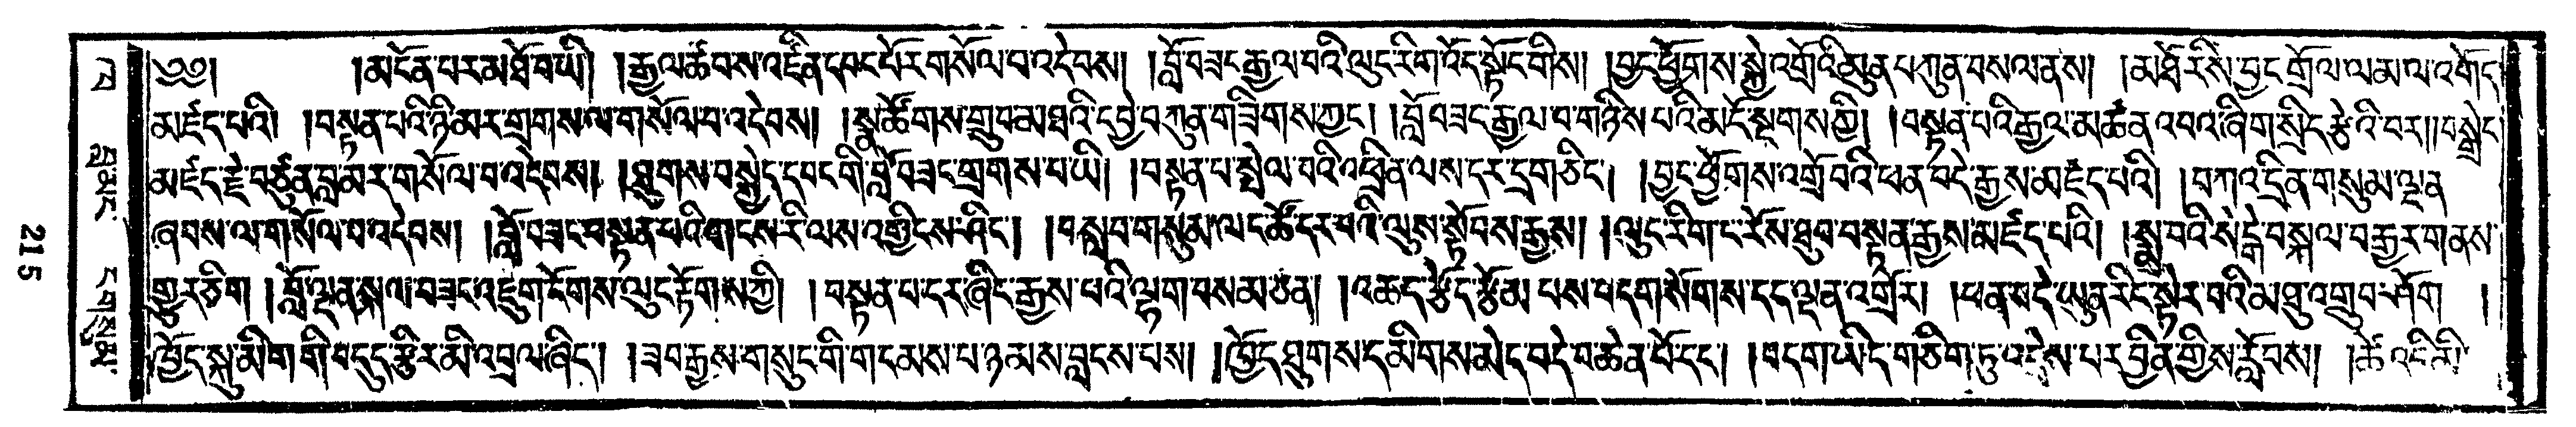༄༅། །མངོན་པར་མཐོ་བ་ཡི། །རྒྱལ་ཚབས་འཛིན་དབང་པོར་གསོལ་བ་འདེབས། །བློ་བཟང་རྒྱལ་བའི་ལུང་རིག་འོད་སྟོང་གིས། །བྱང་ཕྱོགས་སྐྱེ་འགྲོའི་མུན་པ་ཀུན་བསལ་ནས། །མཐོ་རིས་བྱང་གྲོལ་ལམ་ལ་འགོད་
མཛད་པའི། །བསྟན་པའི་ཉི་མར་གྲགས་ལ་གསོལ་བ་འདེབས། །སྣ་ཚོགས་གྲུབ་མཐའི་དབྱེ་བ་ཀུན་གཟིགས་ཀྱང་། །བློ་བཟང་རྒྱལ་བ་གཉིས་པའི་མདོ་སྔགས་ཀྱི། །བསྟན་པའི་རྒྱལ་མཚན་འབའ་ཞིག་སྲིད་རྩེའི་བར། །བསྒྲེང་
མཛད་རྗེ་བཙུན་བླ་མར་གསོལ་བ་འདེབས། །ཐུགས་བསྐྱེད་དབང་གི་བློ་བཟང་གྲགས་པ་ཡི། །བསྟན་པ་སྤེལ་བའི་འཕྲིན་ལས་དར་དྲག་ཅིང་། །བྱང་ཕྱོགས་འགྲོ་བའི་ཕན་བདེ་རྒྱས་མཛད་པའི། །བཀའ་དྲིན་གསུམ་ལྡན་
ཞབས་ལ་གསོལ་བ་འདེབས། །བློ་བཟང་བསྟན་པའི་གངས་རི་ལས་འགྱིངས་ཤིང་། །བསླབ་གསུམ་ལང་ཚེ་དར་བའི་ལུས་སྟོབས་རྒྱས། །ལུང་རིག་ང་རོས་ཐུབ་བསྟན་རྒྱས་མཛད་པའི། །སྨྲ་བའི་སེངྒེ་བསྐལ་བརྒྱར་གནས་
གྱུར་ཅིག །བློ་ལྡན་སྐལ་བཟང་འཇུག་དོགས་ལུང་རྟོགས་ཀྱི། །བསྟན་པ་དར་ཞིང་རྒྱས་པའི་ལྷག་བསམ་ཅན། །འཆད་རྩོད་རྩོམ་པས་བདག་སོགས་དད་ལྡན་འགྲོར། །ཕན་བདེ་ཡུན་རིང་སྟེར་བའི་མཐུ་འགྲུབ་ཤོག །
ཁྱོད་སྐུ་མིག་གི་བདུད་རྩིར་མི་འབྲལ་ཞིང་། །ཟབ་རྒྱས་གསུང་གི་གདམས་པ་ཉམས་བླངས་པས། །ཁྱོད་ཐུགས་དམིགས་མེད་བདེ་བ་ཆེན་པོ་དང་། །བདག་ཡིད་གཅིག་ཏུ་འདྲེས་པར་བྱིན་གྱིས་རློབས། །ཚེ་འདི་མི་